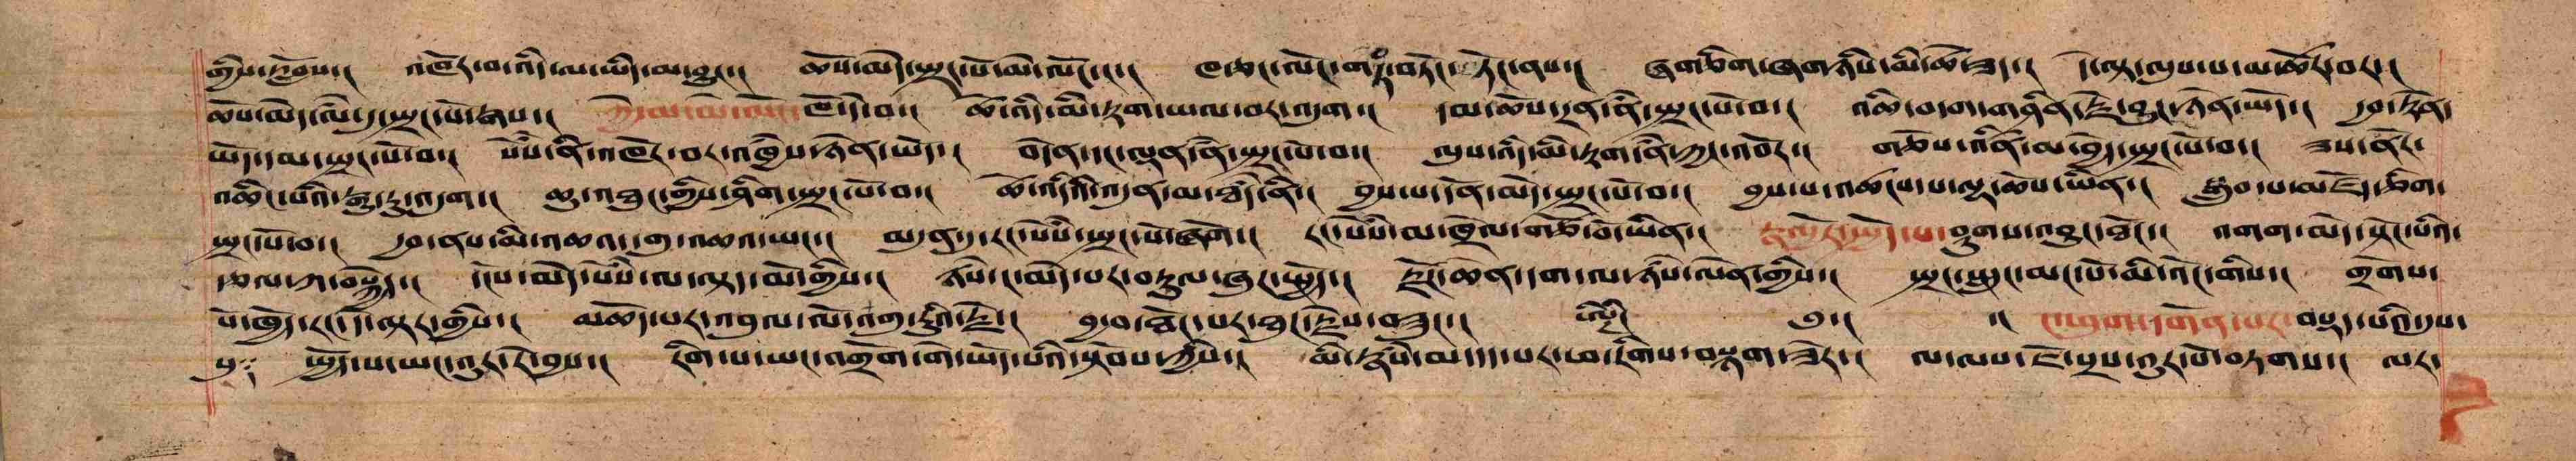གྱིས་རློབས།། འཁོར་བ་འདི་ལ་ཡིད་མ་བྱུང་།། ཆོས་མེད་སྤྲང་པོ་མེ་ལོང་ང་།། ཁ་ཅང་ལོང་གཏམ་གཏོང་གཏོང་ནས།། ཞག་གཅིག་ཞག་གཉིས་མི་ཚེ་ཟད།། དེ་ལྟ་ལུས་པར་མ་ཚོར་བར།། 
ཆོས་མེད་ལམ་དུ་སྤྲང་པོ་རྒས།། ཀྱེ་མ་མེ་ལོང་ཁོ་དེ་བ།། ཚེ་འདི་མི་རྟག་ཡལ་བར་འདུག། དམ་ཆོས་དྲན་ནམ་སྤྲང་པོ་བ།། འཆི་བདག་གཤིན་རྗེ་བྱུང་ཉེན་ཡོད།། རྒྱབ་རྟེན་
ཡོད་དམ་སྤྲང་པོ་བ།། སེམས་ནི་འཁོར་བར་འཁྱམས་ཉེན་ཡོད།། བདེན་དང་ལྡན་ནམ་སྤྲང་པོ་བ།། ལུས་འདི་མི་རྟག་ནམ་ཀྱང་འབོར།། གཅེས་འཛིན་མ་བྱེད་སྤྲང་པོ་བ།། ཟས་ནོར་
འཆིང་བའི་རྒྱུ་རུ་འདུག། ཆུ་འཐུང་གྱིས་ཤིག་སྤྲང་པོ་བ།། ཚེ་འདིའི་འདུན་མ་ཐམས་ཅད་ནི།། བྱས་པ་དོན་མེད་སྤྲང་པོ་བ།། བྱས་པ་འཚངས་པ་ལྷ་ཆོས་ཡིན།། སྒྲུབ་པ་མཛོད་ཅིག་
སྤྲང་པོ་བ།། རྒྱབ་ནས་མི་འཆའ་དགུ་འཆའ་ཡང་།། མདུན་དུ་རང་སེམས་སྤྲང་པོ་ཞོག། རང་སེམས་མ་ཁྲེལ་གཙོ་བོ་ཡིན།། རྣལ་འབྱོར་སྤྱོད་པ་ཤུགས་འབྱུང་ཐོང་།། འགག་མེད་སྟོང་པའི་
རྩལ་ཀ་བསྐྱེད།། དངོས་མེད་སེམས་ལ་ལྟད་མོ་གྱིས།། ཉམས་ང་མེད་པར་བརྟུལ་ཞུགས་སྤྱོད།། རྫོགས་ཆེན་དག་ལ་ཉམས་ལེན་གྱིས།། སྤྲང་སྤྲུང་མང་པོ་མི་འོང་གིས།། གྲོགས་
པོ་ཁྱོད་རང་དེ་ལྟར་གྱིས།། མཆོད་པ་འབུལ་ལོ་འགུ་རུའི་རྗེ།། བྱ་བ་ཐོངས་པར་ཐུགས་རྗེས་བཟུང་།། ཨི་ཊི།། ༄་། །།ང་ཕུག་དགོན་པར་བསྡད་པའི་དུས་
སུ།། སྤྱོད་པ་ཡང་འུར་རེ་བྱས།། རིག་པ་ཡང་འགྲོག་གེ་ཡོད་པའི་སྟོབས་ཀྱིས། མི་རྣམས་མ་དད་པར་ཕ་རིགས་བསྙག་ཟེར།། ལ་ལས་ཇོ་སྲས་འུར་པོ་བཏགས།། ལར་